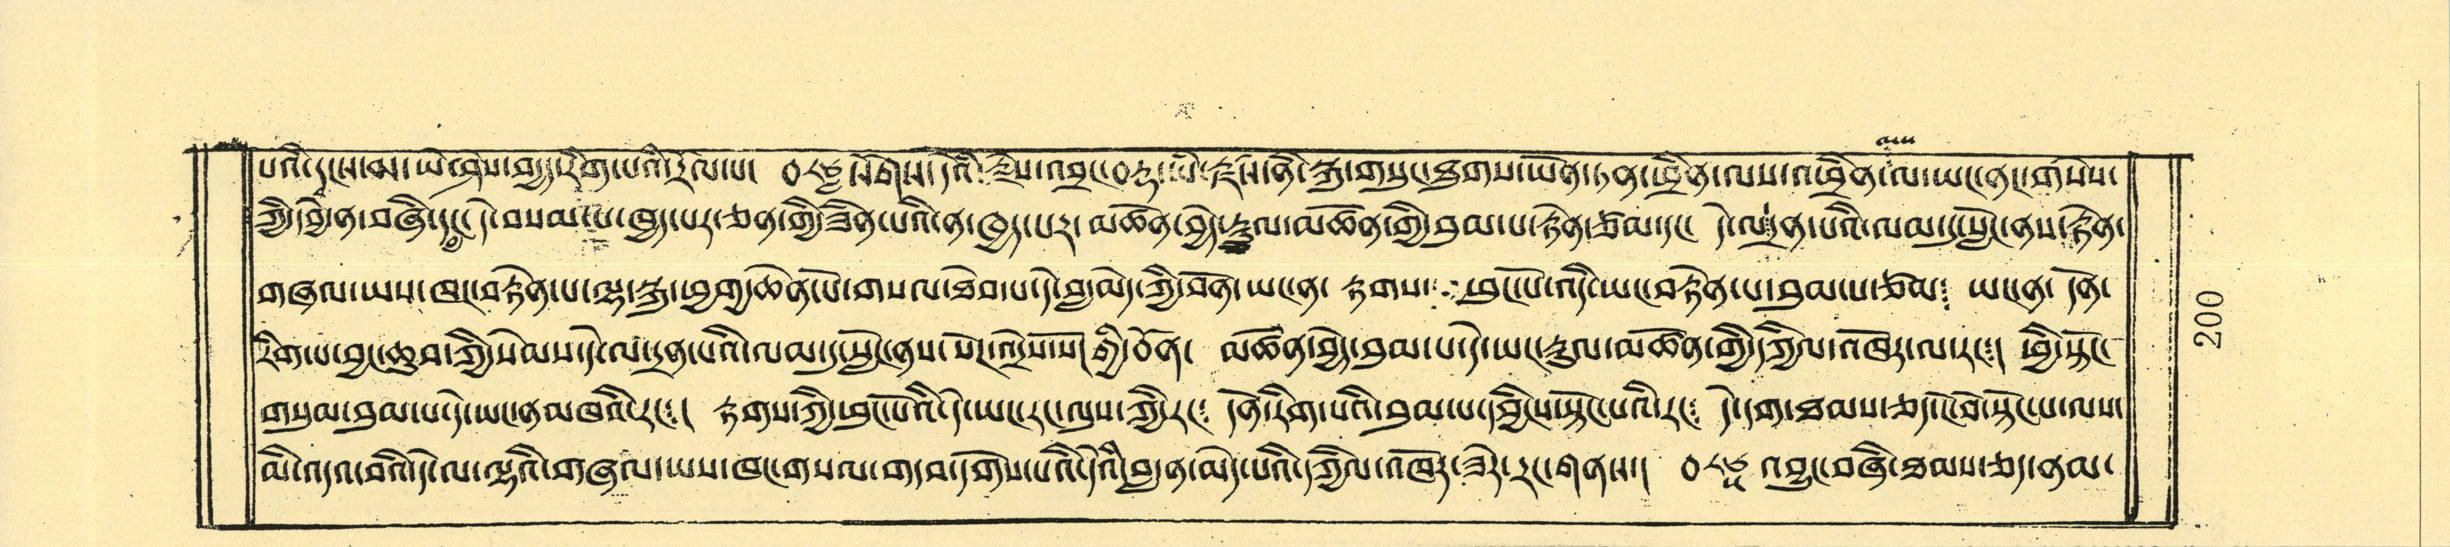པའི་དྭངས་མ་ཡེ་ཤེས་བརྒྱད་རིག་པའི་རོལ་པ། བ༨༦།༤ སོགས་དེའི་རྗེས་འབྲང་བརྡ་ཡི་རྫས་ནི་སྐུ་གསུང་ཐུགས་ཡོན་ཏན་ཕྲིན་ལས་ཕྲིན་ལས་ལ་ཡང་ནང་གསེས་
ཀྱི་དབྱེ་ན་བཞི་དང། དེ་བསམ་པ་ཁྱད་པར་ཅན་གྱི་ཟིན་པའི་ན་ཁྱད་པར་མཚོན་བྱེད་རྡུལ་མཚོན་གྱི་བུམ་པ་རྟེན་ཙམ་དང། དེ་ལ་དྲན་པའི་ལམ་དུ་སློང་ནས་རྟེན་
གཞལ་ཡས་ཁང་བརྟེན་པ་ལྷ་སྐུ་ཕྱག་གྱ་ཆེན་པོ་གསལ་ཐེབ་པ་དེ་བླ་མེད་ཀྱི་བོན་ཡང་ན་ རྟགས་ ཕུང་པོ་འདི་ཡང་བརྟེན་པ་བུམ་པ་ཙམ། ཡང་ན། དོན་
རིག་པ་བྱང་ཆུབ་ཀྱི་སེམས་དེ་ལ་དྲན་པའི་ལམ་དུ་སློང་ནས། སོགས་འདྲེས་སོ། གྱི་བོན་ མཚོན་བྱེད་བུམ་པ་དེ་ཡང་རྡུལ་མཚོན་གྱི་དཀྱིལ་འཁོར་ལ་རང་་་། ཕྱི་སློང་
གསུམ་བུམ་པ་དེ་ཡང་ནམ་མཁའི་རང་་་། རྟགས་ཀྱི་ཕུང་པོའི་དེ་ཡང་རང་ལུས་ཀྱི་རང་་་། དོན་རིག་པའི་བུམ་པ་དབྱིངས་སྟོང་པའི་རང་་་། དེ་དག་ཐམས་ཅད་ངོ་བོ་སྟོང་པ་ལས་
མི་འདའ་བའི་དེ་ལ་ལྷའི་གཞལ་ཡས་ཁང་གསལ་གདབ་དགོས་པའི་དེའི་བླ་ན་མེད་པའི་དཀྱིལ་འཁོར་ཟེར་༼རང་གནས།༽ བ༨༦།༥ འབྱུང་བཞི་ཐམས་ཅད་ནམ་